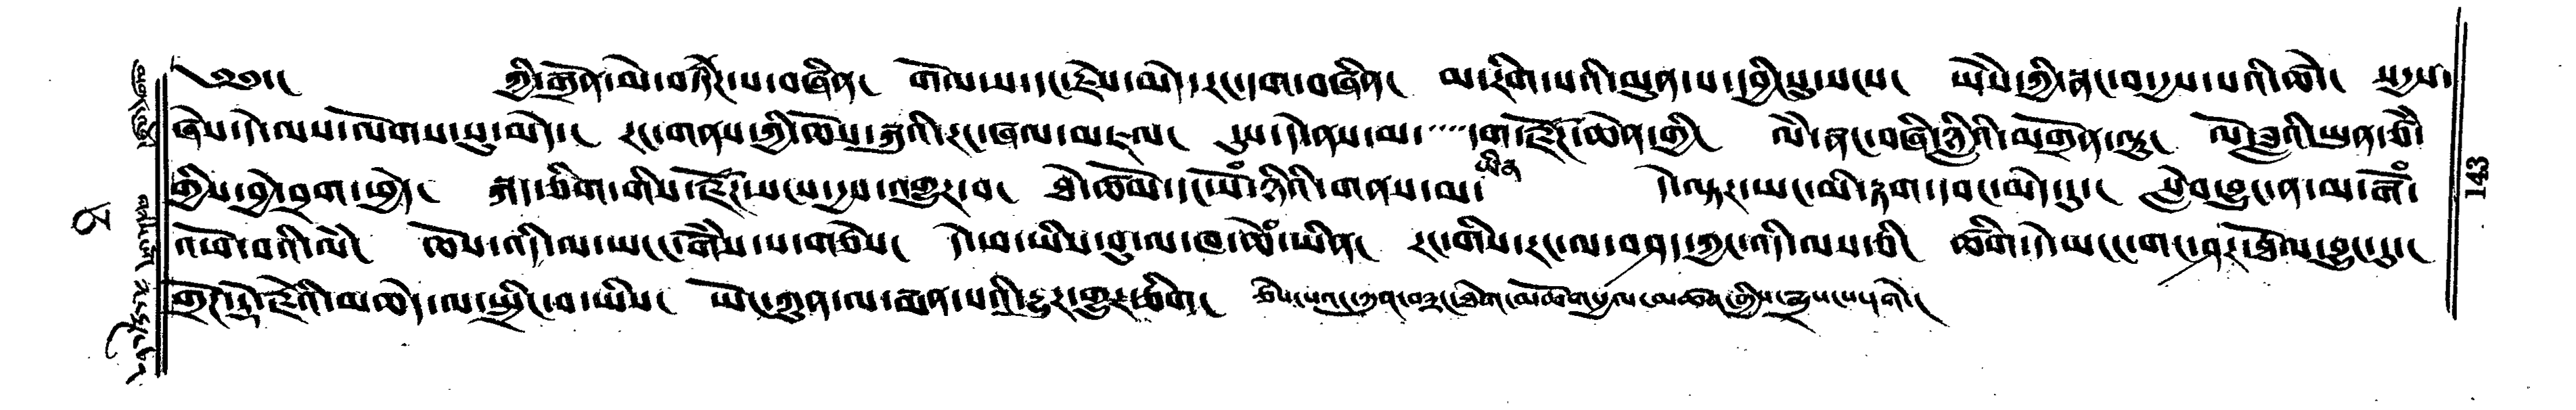ཀྱིས་སྒྲོན་མེ་བཏེགས་པ་བཞིན། །གོལ་ས་དང་རྗེས་མེད་རང་དག་ཞི། །མ་རིག་པའི་མུན་པ་དབྱིངས་སུ་སངས། །ཡེ་ཤེས་ཀྱི་སྣང་བ་རྒྱས་པའི་ཚེ། །
སངས་རྒྱས་ཞེས་དེ་ལས་ལོགས་སུ་མེད། །རང་གནས་ཀྱི་ཆོས་སྐུའི་རང་ཞལ་མཇལ། །དུས་དེ་ནས་མ་དག་རྫོགས་ཆེན་གྱི། །ལམ་སྣང་བཞིའི་ཉི་ཟླའི་མགྲོན་ལྟ་བུ། །ལོ་ཟླའི་ཡུན་ཙམ་
གྱིས་བྱེ་བྲག་ཕྱེད། །སྐད་ཅིག་གིས་རྫོགས་སངས་རྒྱས་འགྱུར་བ། །ཐེ་ཚོམ་དང་སོམ་ཉིའི་གནས་མ་ཡིན། །དེ་ལྟར་ཡང་མི་རྟག་དབང་མེད་དུ། །སླེབ་བྱུང་ན་མ་སྒོམ་
འཕོ་བའི་ལམ། །ཆོས་འདི་ལ་ཡང་ཡང་སྒོམ་པ་གཅེས། །དེ་ཕ་ཡིས་བུ་ལ་ཁ་ཆེམས་ཡིན། །རང་གིས་རང་ལ་བཤད་ཀྱང་འདི་ལས་ཅི། །ཚིག་དེ་ཡང་གང་ཤར་ཐོལ་བྱུང་དུ། །
གྲོགས་རྡོ་རྗེའི་མཆེད་ལ་སྤྲིངས་བ་ཡིས། །ཡོངས་ཀུན་ལ་སྨན་པའི་རྒྱུར་གྱུར་ཅིག ཅེས་པའང་ཀུན་བཟང་ཐེག་མཆོག་རྒྱལ་མཚན་གྱིས་སྨྲས་པ་དགེ བཀྲ་ཤིས།།